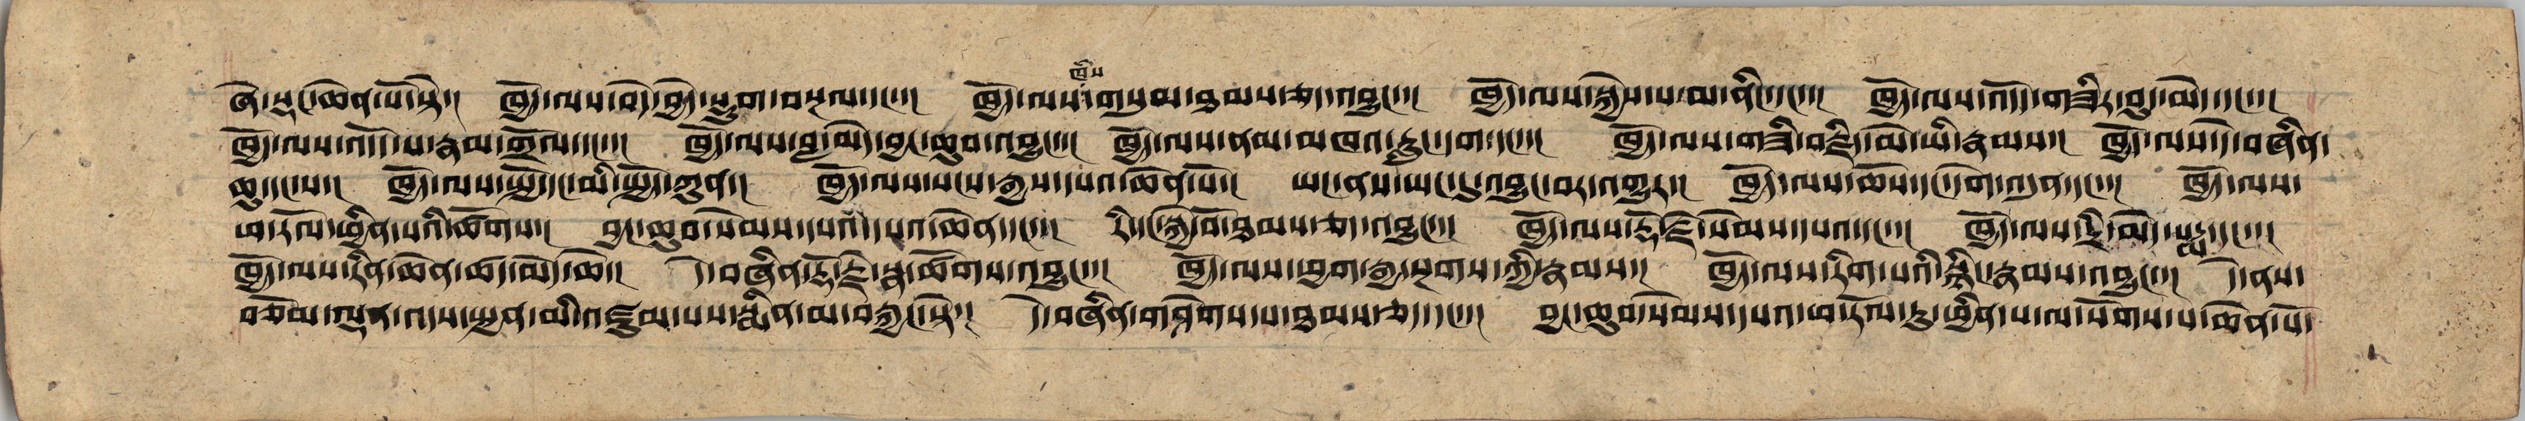ཞེ་སྡང་ཆེན་པོ་སྟེ་། ཁྱོད་ལས་བདེ་བྱེད་སྡུག་བསྔལ་དང་་། ཁྱོད་ལས་གསུམ་ཐམས་ཅད་འབྱུང་་། ཁྱོད་ལས་སྐྱེས་པ་མ་ནིང་དང་་། ཁྱོད་ལས་འདོད་གཟིར་བུད་མེད་དང་་།
ཁྱོད་ལས་འདོད་པ་རྣམ་གྲོལ་དང་་། ཁྱོད་ལས་བླ་མེད་བྱང་ཆུབ་འབྱུང་་། ཁྱོད་ལས་ནམ་མཁའ་རླུང་དག་དང་་། ཁྱོད་ལས་གཟི་བརྗིད་མེ་ཡི་རྣམས་། ཁྱོད་ལས་དེ་བཞིན་
ཆུ་དང་ས་། ཁྱོད་ལས་སྤྱོ་དང་མི་སྤྱོད་ཀུན་། ཁྱོད་ལས་སངས་རྒྱས་དཔའ་ཆེན་པོ་། ཡང་ནས་ཡང་དུ་འབྱུང་བར་འགྱུར་། ཁྱོད་ལས་ཆོས་དང་དགེ་འདུན་དང་་། ཁྱོད་ལས་
ཕ་རོལ་ཕྱིན་པའི་ཚོགས་། བྱང་ཆུབ་སེམས་དཔའི་དཔའ་ཆེན་དང་་། རི་དང་སྐྱེ་བོ་ཐམས་ཅད་འབྱུང་་། ཁྱོད་ལས་རྡོ་རྗེ་སེམས་དཔའ་དང་་། ཁྱོད་ལས་དྲི་མེད་པདྨ་དང་་།
ཁྱོད་ལས་རིན་ཆེན་ཚད་མེད་ཆེ་། དེ་བཞིན་རྡོ་རྗེ་སྣ་ཚོགས་འབྱུང་་། ཁྱོད་ལས་ཕྱག་རྒྱ་སྔགས་ཀྱི་རྣམས་། ཁྱོད་ལས་རིག་པའི་སྙིང་རྣམས་འབྱུང་་། དེ་ནས་
བཅོམ་ལྡན་འདས་སྤྱན་མི་འཛུམ་པས་སྨིན་མ་བརྐྱང་སྟེ་། དེ་བཞིན་གཤེགས་པ་ཐམས་ཅད་དང་་། བྱང་ཆུབ་སེམས་དཔའ་ཕ་རོལ་ཏུ་ཕྱིན་པ་ལ་སོགས་པ་ཆེན་པོ་